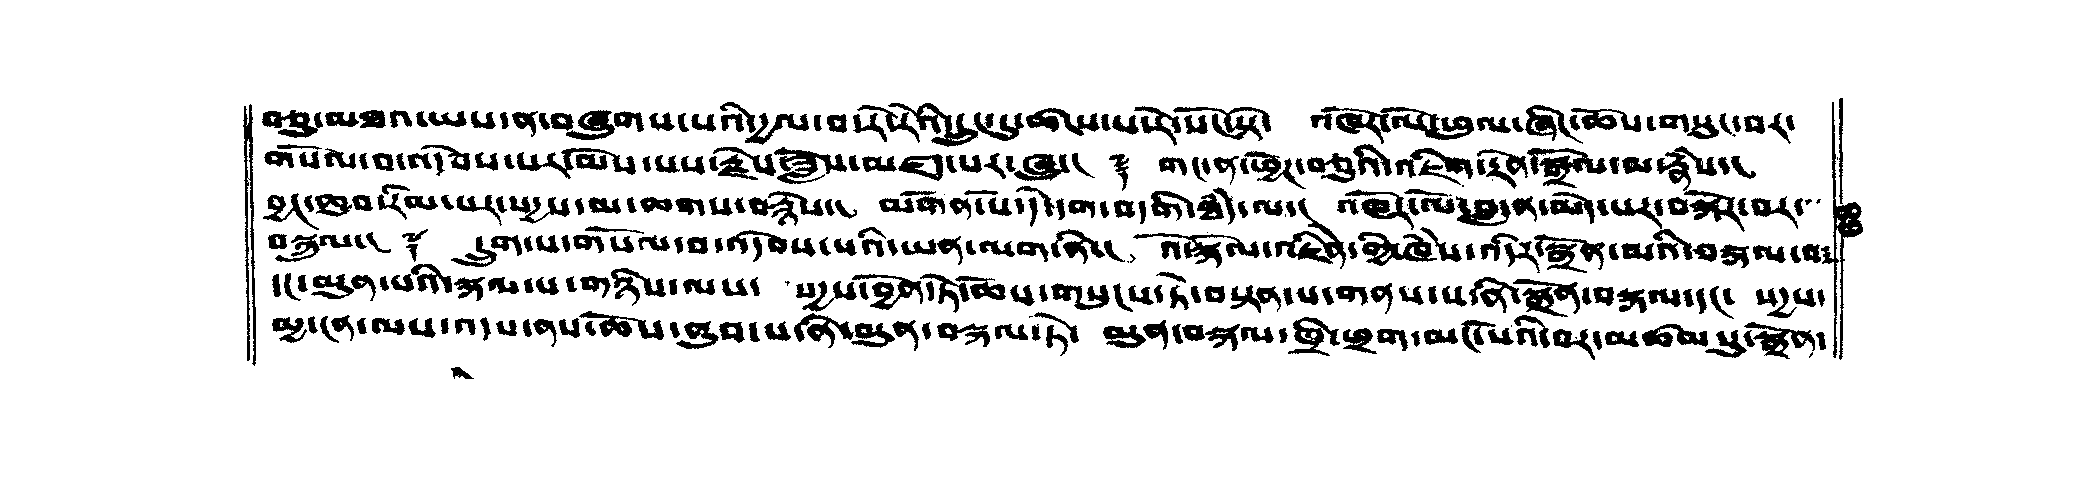བཅུ་མཐའ་ཡས་ན་བཞུགས་པའི་རྒྱལ་བ་རེ་རེའི་དྲུང་དུ་ཚངས་པ་རེ་སོང་སྟེ། འཁོར་ལོ་ཕུལ་ཞིང་ཆོས་གསུང་བར་
གསོལ་བ་འདེབས་པར་མོས་པས་རྗེས་ཟློས་མཛད་པར་ཞུ། ༈ གང་ན་ཕྱོགས་བཅུའི་འཇིག་རྟེན་སྒྲོལ་མ་རྣམས། 
བྱང་ཆུབ་རིམ་པར་སངས་རྒྱས་མ་ཆགས་བརྗེས། མགོན་པོ་དེ་དག་བདག་གི་ཐམས་ཅད་ལ། འཁོར་ལོ་བླ་ན་མེད་པར་བསྐོར་བར་
བསྐུལ། ༈ དྲུག་པ་གསོལ་བ་འདེབས་པའི་ཡན་ལག་ནི། འོ་སྐོལ་འཇིག་རྟེན་གྱི་ཁམས་འདིར་སྒྲོན་མའི་བསྐལ་བ་
དང་མུན་པའི་སྐལ་པ་གཉིས་ལས། སངས་རྒྱས་བྱོན་ཏེ་ཆོས་གསུངས་ཏེ་བསྟན་པ་གནས་པ་ནི་སྒྲོན་བསྐལ་དང་། སངས་རྒྱས་
མྱ་ངན་ལས་འདས་ནས་ཆོས་ནུས་པ་ནི་མུན་བསྐལ་ཏེ། མུན་བསྐལ་ཁྲི་ཕྲག་མང་པོའི་བར་མཚམས་སུ་སྒྲོན་